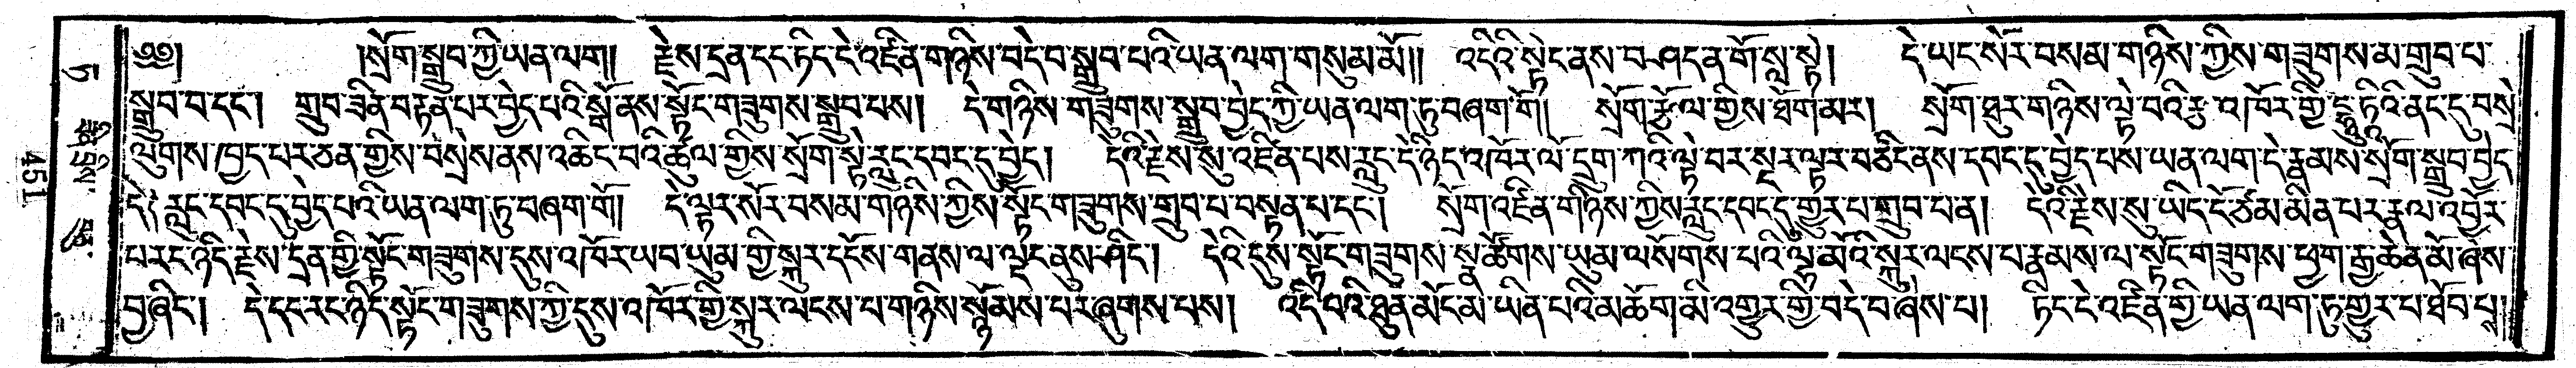༄༅། །སྲོག་སྒྲུབ་ཀྱི་ཡན་ལག། རྗེས་དྲན་དང་ཏིང་ངེ་འཛིན་གཉིས་བདེ་བ་སྒྲུབ་པའི་ཡན་ལག་གསུམ་མོ།། འདིའི་སྟེང་ནས་བཤད་ན་གོ་སླ་སྟེ། དེ་ཡང་སོར་བསམ་གཉིས་ཀྱིས་གཟུགས་མ་གྲུབ་པ་
སྒྲུབ་བ་དང་། གྲུབ་ཟིན་བརྟེན་པར་བྱེད་པའི་སྒོ་ནས་སྟོང་གཟུགས་སྒྲུབ་པས། དེ་གཉིས་གཟུགས་སྒྲུབ་བྱེད་ཀྱི་ཡན་ལག་ཏུ་བཞག་གོ། སྲོག་རྩོལ་གྱིས་ཐོག་མར། སྲོག་ཐུར་གཉིས་ལྟེ་བའི་རྩ་འཁོར་གྱི་དྷཱུ་ཏཱིའི་ནང་དུ་བསྲེ་
ལུགས་ཁྱད་པར་ཅན་གྱིས་བསྲེས་ནས་འཆིང་བའི་ཚུལ་གྱིས་སྲོག་སྟེ་རླུང་དབང་དུ་བྱེད། དེའི་རྗེས་སུ་འཛིན་པས་རླུང་དེ་ཉིད་འཁོར་ལོ་དྲུག་ཀའི་ལྟེ་བར་སྔར་ལྟར་བཅིང་ནས་དབང་དུ་བྱེད་པས་ཡན་ལག་དེ་རྣམས་སྲོག་སྒྲུབ་བྱེད་
དེ༑ རླུང་དབང་དུ་བྱེད་པའི་ཡན་ལག་ཏུ་བཞག་གོ། དེ་ལྟར་སོར་བསམ་གཉིས་ཀྱིས་སྟོང་གཟུགས་གྲུབ་པ་བསྟན་པ་དང་། སྲོག་འཛིན་གཉིས་ཀྱིས་རླུང་དབང་དུ་གྱུར་པ་གྲུབ་པ་ན། དེའི་རྗེས་སུ་ཡིད་ངོ་ཙམ་མིན་པར་རྣལ་འབྱོར་
པ་རང་ཉིད་རྗེས་དྲན་གྱི་སྟོང་གཟུགས་དུས་འཁོར་ཡབ་ཡུམ་གྱི་སྐུར་དངོས་གནས་ལ་ལྡང་ནུས་ཤིང་། དེའི་དུས་སྟོང་གཟུགས་སྣ་ཚོགས་ཡུམ་ལ་སོགས་པའི་ལྷ་མོའི་སྐུར་ལངས་པ་རྣམས་ལ་སྟོང་གཟུགས་ཕྱག་རྒྱ་ཆེན་མོ་ཞེས་
བྱ་ཞིང་། དེ་དང་རང་ཉིད་སྟོང་གཟུགས་ཀྱི་དུས་འཁོར་གྱི་སྐུར་ལངས་པ་གཉིས་སྙོམས་པར་ཞུགས་པས། འདི་བའི་ཐུན་མོང་མ་ཡིན་པའི་མཆོག་མི་འགྱུར་གྱི་བདེ་བ་ཞེས་པ། ཏིང་ངེ་འཛིན་གྱི་ཡན་ལག་ཏུ་གྱུར་པ་ཐོབ་པས།